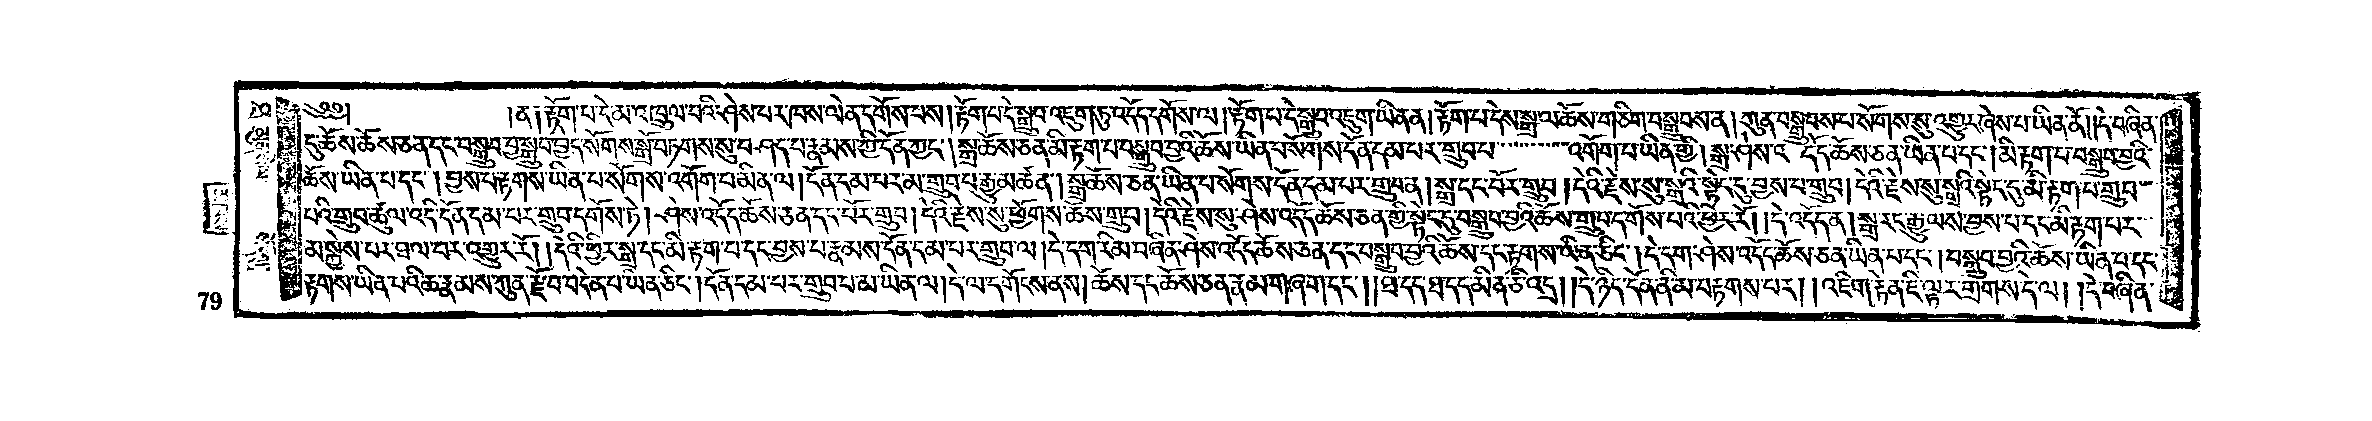༄༅། །ན། རྟོག་པ་དེ་མ་འཁྲུལ་པའི་ཤེས་པར་ཁས་ལེན་དགོས་པས། རྟོག་པ་དེ་སྒྲུབ་འཇུག་ཏུ་འདོད་དགོས་ལ། རྟོག་པ་དེ་སྒྲུབ་འཇུག་ཡིན་ན། རྟོག་པ་དེས་སྒྲ་ལ་ཆོས་གཅིག་བསྒྲུབས་ན། ཀུན་བསྒྲུབས་པ་སོགས་སུ་འགྱུར་ཞེས་པ་ཡིན་ནོ། །དེ་བཞིན་
དུ་ཆོས་ཆོས་ཅན་དང་བསྒྲུབ་བྱ་སྒྲུབ་བྱེད་སོགས་སྒྲོ་བཏགས་སུ་བཤད་པ་རྣམས་ཀྱི་དོན་ཀྱང་། སྒྲ་ཆོས་ཅན་མི་རྟག་པ་བསྒྲུབ་བྱའི་ཆོས་ཡིན་པ་སོགས་དོན་དམ་པར་གྲུབ་པ་འགོག་པ་ཡིན་གྱི། སྒྲ་ཤེས་འདོད་ཆོས་ཅན་ཡིན་པ་དང་། མི་རྟག་པ་བསྒྲུབ་བྱའི་
ཆོས་ཡིན་པ་དང་། བྱས་པ་རྟགས་ཡིན་པ་སོགས་འགོག་པ་མིན་ལ། དོན་དམ་པར་མ་གྲུབ་པ་རྒྱུ་མཚན། སྒྲ་ཆོས་ཅན་ཡིན་པ་སོགས་དོན་དམ་པར་གྲུབ་ན། སྒྲ་དང་པོར་གྲུབ། དེའི་རྗེས་སུ་སྒྲའི་སྟེང་དུ་བྱས་པ་གྲུབ། དེའི་རྗེས་སུ་སྒྲའི་སྟེང་དུ་མི་རྟག་པ་གྲུབ་
པའི་གྲུབ་ཚུལ་འདི་དོན་དམ་པར་གྲུབ་དགོས་ཏེ། ཤེས་འདོད་ཆོས་ཅན་དང་པོར་གྲུབ། དེའི་རྗེས་སུ་ཕྱོགས་ཆོས་གྲུབ། དེའི་རྗེས་སུ་ཤེས་འདོད་ཆོས་ཅན་གྱི་སྟེང་དུ་བསྒྲུབ་བྱའི་ཆོས་གྲུབ་དགོས་པའི་ཕྱིར་རོ། །དེ་འདོད་ན། སྒྲ་རང་རྒྱུ་ལས་བྱས་པ་དང་མི་རྟག་པར་
མ་སྐྱེས་པར་ཐལ་བར་འགྱུར་རོ། །དེའི་ཕྱིར་སྒྲ་དང་མི་རྟག་པ་དང་བྱས་པ་རྣམས་དོན་དམ་པར་གྲུབ་ལ། དེ་དག་རིམ་བཞིན་ཤེས་འདོད་ཆོས་ཅན་དང་བསྒྲུབ་བྱའི་ཆོས་དང་རྟགས་ཡིན་ཅིང་། དེ་དག་ཤེས་འདོད་ཆོས་ཅན་ཡིན་པ་དང་། བསྒྲུབ་བྱའི་ཆོས་ཡིན་པ་དང་
རྟགས་ཡིན་པའི་ཆ་རྣམས་ཀུན་རྫོབ་བདེན་པ་ཡིན་ཅིང་། དོན་དམ་པར་གྲུབ་པ་མ་ཡིན་ལ། དེ་ལ་དགོངས་ནས། ཆོས་དང་ཆོས་ཅན་རྣམ་གཞག་དང་། །ཐ་དད་ཐ་དད་མིན་ཅི་འདྲ། །དེ་ཉིད་དོན་ནི་མ་བརྟགས་པར། །འཇིག་རྟེན་ཇི་ལྟར་གྲགས་དེ་ལ། །དེ་བཞིན་